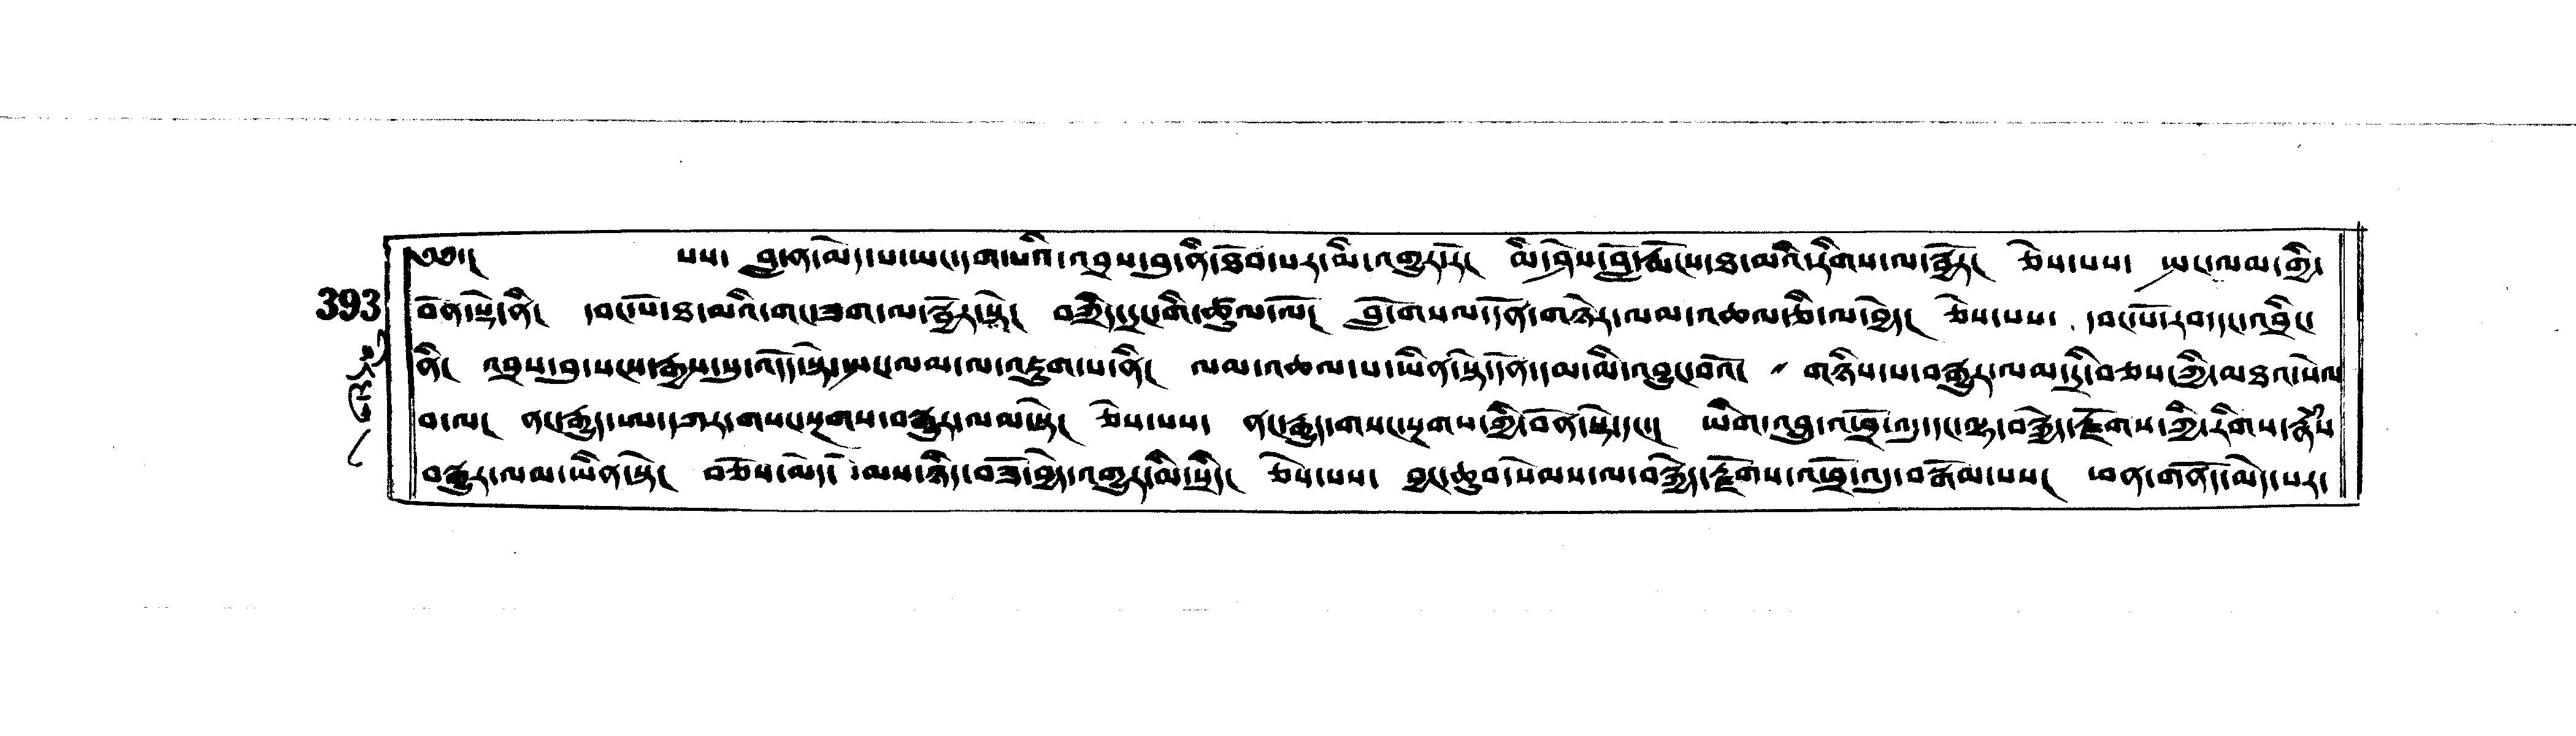པས། བླ་ན་མེད་པ་ཡང་དག་པའི་འབྲས་བུ་ནི་འཐོབ་པར་མི་འགྱུར་རོ། མི་ཤེས་བློ་རྨོངས་ཐ་མའི་རིགས་ལ་སྦྱོར། ཅེས་པས། སྤང་ལམ་གྱི་
བོན་སྡེ་ནི། དབང་པོ་ཐ་མའི་གང་ཟག་ལ་སྦྱོར་ཏེ། བཀྲིད་དྲང་གི་ཚུལ་ལོ། བློ་གསལ་དོན་གཉེར་ལམ་འཆལ་ཅི་ལ་བྱེད། ཅེས་པས། དབང་པོ་རབ་དང་འབྲིང་
ནི། འབྲས་བུ་སངས་རྒྱས་སུ་འདོད་དེ། སྤང་ལམ་ལ་འཇུག་པ་ནི། ལམ་འཆལ་པ་ཡིན་ཏེ་དོན་དམ་མི་འབྱུང་བའོ། གཉིས་པ་སྒྱུར་ལམ་དྲི་བཅས་ཀྱི་མཐའ་སེལ་
བ་ལ། ནང་རྒྱུད་ཨ་དཀར་གསང་སྔགས་སྒྱུར་ལམ་སྟེ། ཅེས་པས། ནང་རྒྱུད་གསང་སྔགས་ཀྱི་བོན་སྡེ་དང་། ཡིག་འབྲུ་འཕྲོ་འདུ་ལྷ་བསྐྱེད་རྫོགས་ཀྱི་རིགས་རྣམས་
སྒྱུར་ལམ་ཡིན་ཏེ། བཅོས་མེད་སེམས་ཉིད་བཟོ་བྱེད་འགྱུར་མི་སྲིད། ཅེས་པས། བྱང་ཆུབ་སེམས་ལ་བསྐྱེད་རྫོགས་འཕྲོ་འདུ་བསྒོམ་པས། ཕན་གནོད་མེད་པར་